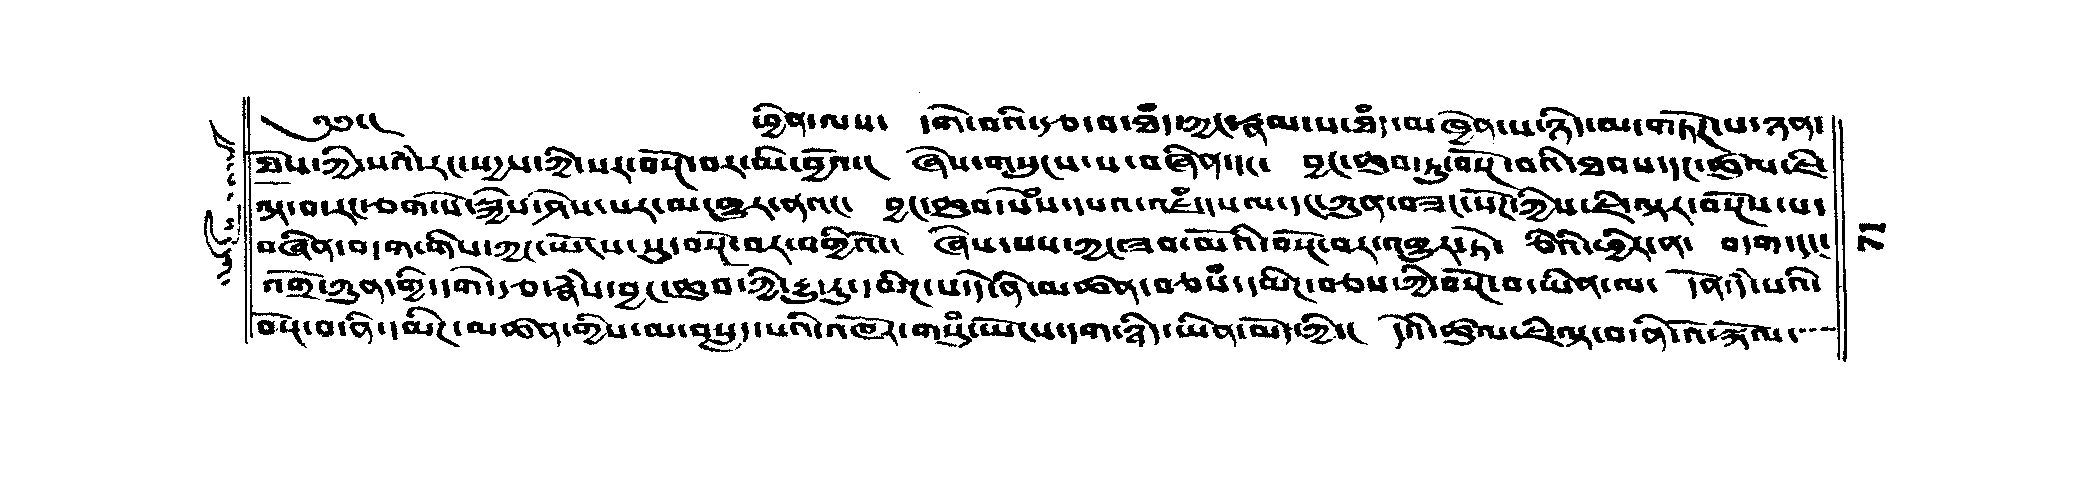ཕྱིན་ལས། དེག་བའི་རྩ་བ་ཐམས་ཅད་ཀྱང་རྣམ་པ་ཐམས་ཅད་མཁྱེན་པ་ཉིད་མ་གཏོགས་པ་ཉན་
ཐོས་ཀྱི་སའམ་རང་སངས་རྒྱས་ཀྱི་སར་བསྔོ་བར་མི་བྱའོ། ཞེས་གསུངས་པ་བཞིན་དང་། བྱང་ཆུབ་ཏུ་བསྔོ་བའི་ཐབས་དང་ཚུལ་ཇི་
ལྟ་བ་རང་ཅག་སོ་སྐྱེས་ཤེས་པར་མ་གྱུར་ནའང་། བྱང་ཆུབ་སེམས་དཔའ་འཇམ་དཔལ་དང་ཀུན་བཟང་སོགས་ཀྱིས་ཇི་ལྟར་བསྔོས་པ་
བཞིན་བདག་གིས་ཀྱང་ཡོངས་སུ་བསྔོ་བར་བགྱིའོ། ཞེས་པས་ཀྱང་ཟབ་མོའི་བསྔོ་བར་འགྱུར་ཏེ། ཅིའི་ཕྱིར་ན། བདག་དང་
འགྲོ་ཀུན་གྱི་དགེ་རྩ་རྣམས་བྱང་ཆུབ་ཀྱི་རྒྱུ་རུ་དམིགས་པ་དེ་ནི་མཚན་བཅས་སམ་དམིགས་བཅས་ཀྱི་བསྔོ་བ་ཡིན་ལ། དོན་དམ་པའི་
བསྔོ་བ་ནི་དམིགས་མཚན་གྱིས་མ་བསླད་པའི་འཁོར་གསུམ་འཁོར་གསུམ་ཡོངས་དག་ཉིད་ཡིན་མོད་ཀྱི། དེའི་ཚུལ་ཇི་ལྟ་བ་ནི་འོ་སྐོལ་